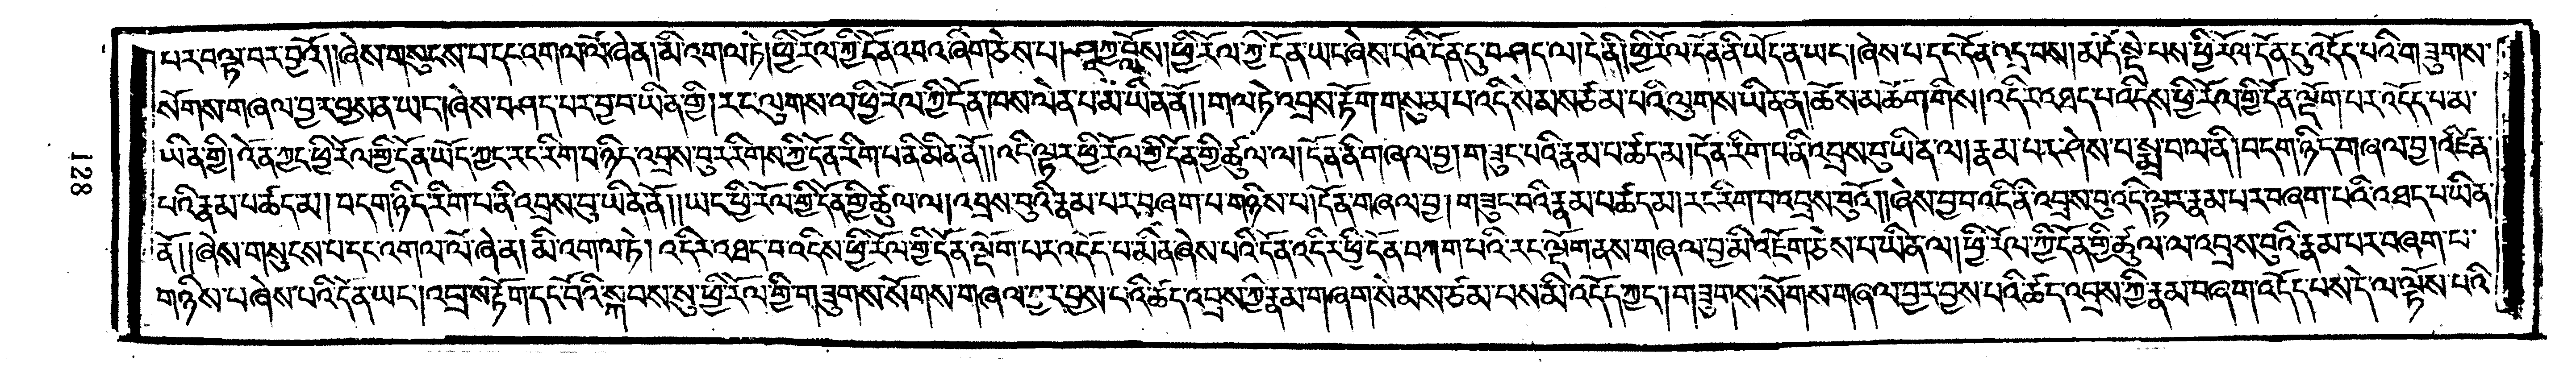པར་བལྟ་བར་བྱའོ། །ཞེས་གསུངས་པ་དང་འགལ་ལོ་ཞེ་ན། མི་འགལ་ཏེ། ཕྱི་རོལ་གྱི་དོན་འབའ་ཞིག་ཅེས་པ། {ཤཱཀྱ}་བློས། ཕྱི་རོལ་གྱི་དོན་ཡང་ཞེས་པའི་དོན་དུ་བཤད་ལ། དེ་ནི། ཕྱི་རོལ་དོན་ནི་ཡོད་ན་ཡང་། ཞེས་པ་དང་དོན་འདྲ་བས། མདོ་སྡེ་པས་ཕྱི་རོལ་དོན་དུ་འདོད་པའི་གཟུགས་
སོགས་གཞལ་བྱར་བྱས་ན་ཡང་། ཞེས་བཤད་པར་བྱ་བ་ཡིན་གྱི། རང་ལུགས་ལ་ཕྱི་རོལ་གྱི་དོན་ཁས་ལེན་པ་མ་ཡིན་ནོ། །གལ་ཏེ་འབྲས་རྟོག་གསུམ་པ་འདི་སེམས་ཙམ་པའི་ལུགས་ཡིན་ན། ཆོས་མཆོག་གིས། འདིར་འཐད་པ་འདིས་ཕྱི་རོལ་གྱི་དོན་ལྡོག་པར་འདོད་པ་མ་
ཡིན་གྱི། འོན་ཀྱང་ཕྱི་རོལ་ཀྱི་དོན་ཡོད་ཀྱང་རིང་རིག་པ་ཉིད་འབྲས་བུར་རིགས་ཀྱི་དོན་རིག་པ་ནི་མིན་ནོ། །འདི་ལྟར་ཕྱི་རོལ་ཀྱི་དོན་གྱི་ཚུལ་ལ། དོན་ནི་གཞལ་བྱ། གཟུང་བའི་རྣམ་པ་ཚད་མ། དོན་རིག་པ་ནི་འབྲས་བུ་ཡིན་ལ། རྣམ་པར་ཤེས་པ་སྨྲ་བ་ལ་ནི། བདག་ཉིད་གཞལ་བྱ། འཛིན་
པའི་རྣམ་པ་ཚད་མ། བདག་ཉིད་རིག་པ་ནི་འབྲས་བུ་ཡིན་ནོ། །ཡང་ཕྱི་རོལ་ཀྱི་དོན་གྱི་ཚུལ་ལ། འབྲས་བུའི་རྣམ་པར་བཞག་པ་གཉིས་པ། དོན་གཞལ་བྱ། གཟུང་བའི་རྣམ་པ་ཚད་མ། རང་རིག་པ་འབྲས་བུའོ། །ཞེས་བྱ་བ་འདི་ནི་འབྲས་བུ་འདི་ལྟར་རྣམ་པར་བཞག་པའི་འཐད་པ་ཡིན་
ནོ༑ ༑ཞེས་གསུངས་པ་དང་འགལ་ལོ་ཞེ་ན། མི་འགལ་ཏེ། འདིར་འཐད་པ་འདིས་ཕྱི་རོལ་གྱི་དོན་ལྡོག་པར་འདོད་པ་མིན་ཞེས་པའི་དོན་འདིར་ཕྱི་དོན་བཀག་པའི་རང་ལྡོག་ནས་གཞལ་བྱ་མི་འཇོག་ཅེས་པ་ཡིན་ལ། ཕྱི་རོལ་གྱི་དོན་གྱི་ཚུལ་ལ་འབྲས་བུའི་རྣམ་པར་བཞག་པ་
གཉིས་པ་ཞེས་པའི་དོན་ཡང་། འབྲས་རྟོག་དང་པོའི་སྐབས་སུ་ཕྱི་རོལ་གྱི་གཟུགས་སོགས་གཞལ་བྱར་བྱས་པའི་ཚད་འབྲས་ཀྱི་རྣམ་གཞག་སེམས་ཙམ་པས་མི་འདོད་ཀྱང་། གཟུགས་སོགས་གཞལ་བྱར་བྱས་པའི་ཚད་འབྲས་ཀྱི་རྣམ་བཞག་འདོད་པས་དེ་ལ་ལྟོས་པའི་